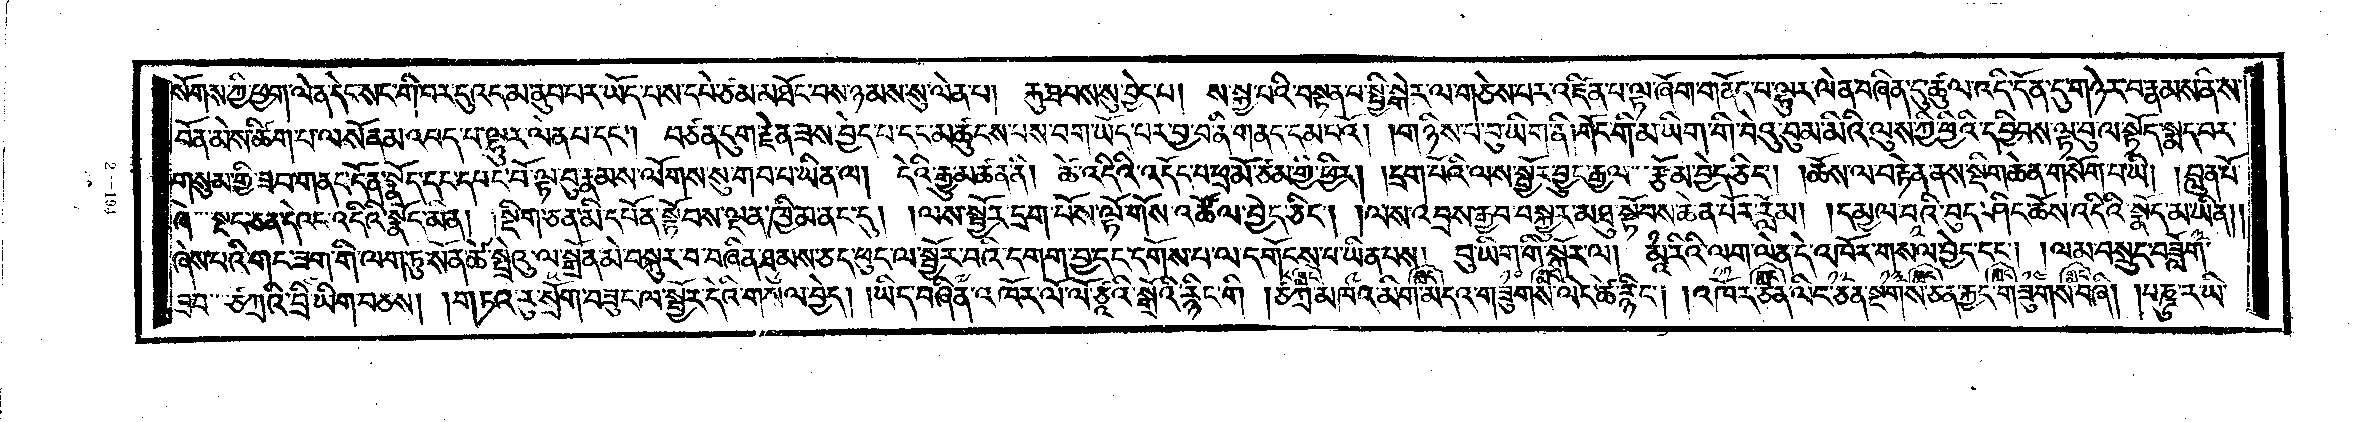སོགས་ཀྱི་ཕྱག་ལེན་དེང་སང་གི་བར་དུའང་མ་ནུབ་པར་ཡོད་པས་དཔེ་ཙམ་མཐོང་བས་ཉམས་སུ་ལེན་པ། རྐུ་ཐབས་སུ་བྱེད་པ། ས་སྐྱ་པའི་བསྟན་པ་སྤྱི་སྒེར་ལ་གཅེས་པར་འཛིན་པ་ལྟ་ཞོག་གནོད་པ་ལྷུར་ལེན་བཞིན་དུ་ཚུལ་འདི་དོན་དུ་གཉེར་བ་རྣམས་ནི་ས་
བོན་མེས་ཚིག་པ་ལ་སོ་ནམ་འབད་བ་ལྷུར་ལེན་པ་དང་། བཙན་དུག་རྗེན་ཟས་བྱེད་པ་དང་མཚུངས་པས་བག་ཡོད་པར་བྱ་བ་ནི་གནད་དམ་པའོ། །གཉིས་པ་བུ་ཡིག་ནི། གོང་གི་མ་ཡིག་གི་བེའུ་བུམ་མིའི་ལུས་ཀྱི་ཕྱིའི་དབྱིབས་ལྟ་བུ་ལ་སྟོད་སྨད་བར་
གསུམ་གྱི་ཟབ་གནང་དོན་སྣོད་དང་དབང་པོ་ལྟ་བུ་རྣམས་ལོགས་སུ་གབ་པ་ཡིན་ལ། དེའི་རྒྱུ་མཚན་ནི། ཚེ་འདིའི་འདོད་པ་ཕྲ་མོ་ཙམ་གྱི་ཕྱིར། །དྲག་པོའི་ལས་སྦྱོར་བྱུང་རྒྱལ་རྩོམ་བྱེད་ཅིང་། །ཆོས་ལ་བརྟེན་ནས་སྡིག་ཆེན་གསོག་པ་ཡི། །བླུན་པོ་
ཞེ་སྡང་ཅན་དེའང་འདིའི་སྣོད་མིན། །སྡིག་ཅན་མི་དྥོན་སྟོབས་ལྡན་ཁྱིམ་ནང་དུ། །ལས་སྦྱོར་དྲག་པོས་ལྟོ་གོས་འཚོལ་བྱེད་ཅིང་། །ལས་འབྲས་རྒྱབ་བསྐྱུར་མཐུ་སྟོབས་ཆེན་པོར་རློམ། །དམྱལ་བའི་བུད་ཤིང་ཆོས་འདིའི་སྣོད་མ་ཡིན། །
ཞེས་པའི་གང་ཟག་གི་ལག་ཏུ་སོན་ཚེ་སྤྲེའུ་ལ་སྒྲོན་མེ་བསྐུར་བ་བཞིན་ཐམས་ཅད་ཕུང་ལ་སྦྱོར་བའི་དགག་བྱ་དང་དགོས་པ་ལ་དགོངས་སྲ་བ་ཡིན་པས། བུ་ཡིག་གི་སྐོར་ལ། མཱ་རིའི་ལག་ལེན་དེ་འཁོར་གསེལ་བྱེད་དང་། །ལམ་བསྲུང་བཟློག་
ཟབ་ཙཀྲའི་བྲི་ཡིག་བཅས། །གཏའ་རུ་སྲོག་བཟུང་ལ་སྦྱོར་དེའི་གསེལ་བྱེད། །ཡིད་བཞིན་འཁོར་ལོ་ལོ་ཙཱའི་སྒྲོའི་རྙིང་གི །ཙཀྲ་མཁའ་མིག་མདའ་གཟུགས་ལེང་ཚེ་རྙིང་། །འཁོར་ཅན་ལིང་ཅན་སྔགས་ཅན་རྐྱང་གཟུགས་བཞི། །པཎྜུ་ར་ཡི་